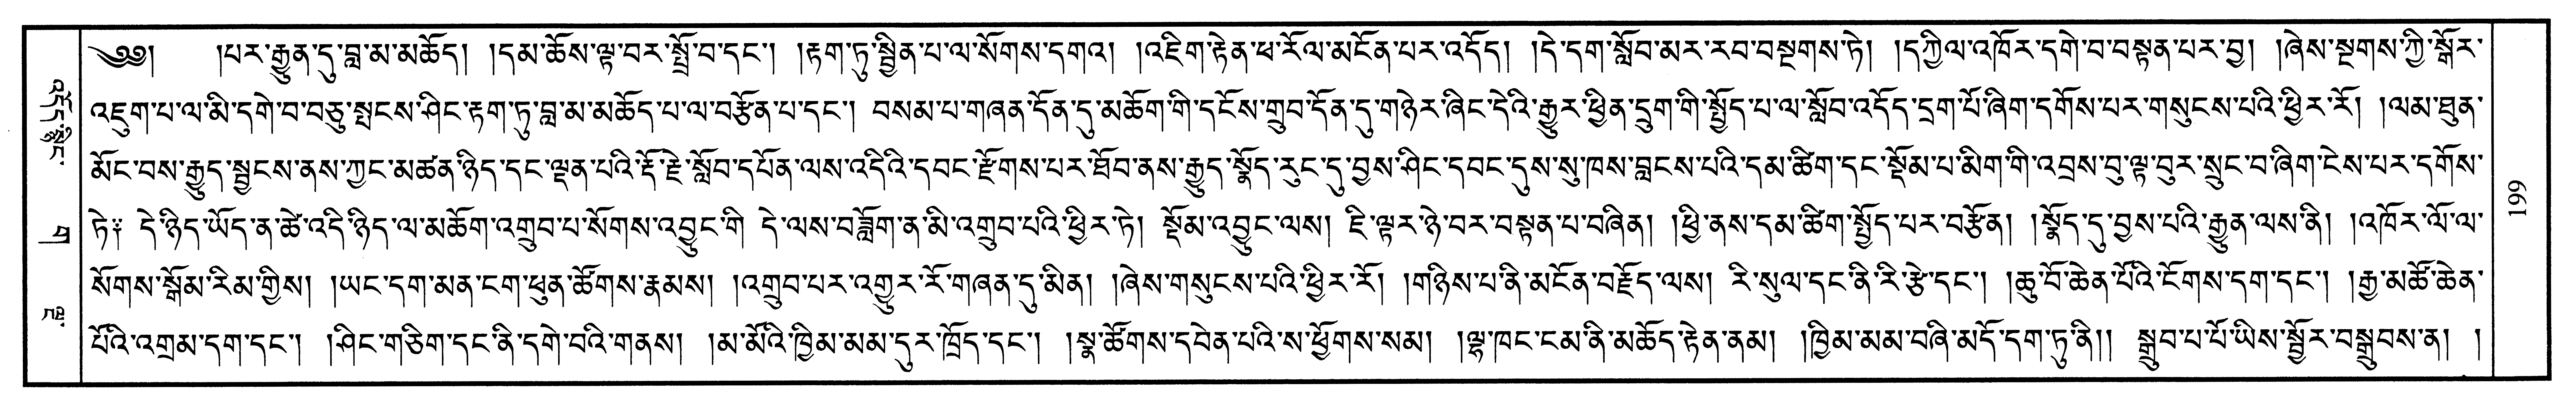༄༅། །པར་རྒྱུན་དུ་བླ་མ་མཆོད། །དམ་ཆོས་ལྟ་བར་སྤྲོ་བ་དང་། །རྟག་ཏུ་སྦྱིན་པ་ལ་སོགས་དགའ། །འཇིག་རྟེན་ཕ་རོལ་མངོན་པར་འདོད། །དེ་དག་སློབ་མར་རབ་བསྔགས་ཏེ། །དཀྱིལ་འཁོར་དགེ་བ་བསྟན་པར་བྱ། །ཞེས་སྔགས་ཀྱི་སྒོར་
འཇུག་པ་ལ་མི་དགེ་བ་བཅུ་སྤངས་ཤིང་རྟག་ཏུ་བླ་མ་མཆོད་པ་ལ་བརྩོན་པ་དང་། བསམ་པ་གཞན་དོན་དུ་མཆོག་གི་དངོས་གྲུབ་དོན་དུ་གཉེར་ཞིང་དེའི་རྒྱུར་ཕྱིན་དྲུག་གི་སྤྱོད་པ་ལ་སློབ་འདོད་དྲག་པོ་ཞིག་དགོས་པར་གསུངས་པའི་ཕྱིར་རོ། །ལམ་ཐུན་
མོང་བས་རྒྱུད་སྦྱངས་ནས་ཀྱང་མཚན་ཉིད་དང་ལྡན་པའི་རྡོ་རྗེ་སློབ་དཔོན་ལས་འདིའི་དབང་རྫོགས་པར་ཐོབ་ནས་རྒྱུད་སྣོད་རུང་དུ་བྱས་ཤིང་དབང་དུས་སུ་ཁས་བླངས་པའི་དམ་ཚིག་དང་སྡོམ་པ་མིག་གི་འབྲས་བུ་ལྟ་བུར་སྲུང་བ་ཞིག་ངེས་པར་དགོས་
ཏེ༑ དེ་ཉིད་ཡོད་ན་ཚེ་འདི་ཉིད་ལ་མཆོག་འགྲུབ་པ་སོགས་འབྱུང་གི། དེ་ལས་བཟློག་ན་མི་འགྲུབ་པའི་ཕྱིར་ཏེ། སྡོམ་འབྱུང་ལས། ཇི་ལྟར་ཉེ་བར་བསྟན་པ་བཞིན། །ཕྱི་ནས་དམ་ཚིག་སྤྱོད་པར་བརྩོན། །སྣོད་དུ་བྱས་པའི་རྒྱུན་ལས་ནི། །འཁོར་ལོ་ལ་
སོགས་སྒོམ་རིམ་གྱིས། །ཡང་དག་མན་ངག་ཕུན་ཚོགས་རྣམས། །འགྲུབ་པར་འགྱུར་རོ་གཞན་དུ་མིན། །ཞེས་གསུངས་པའི་ཕྱིར་རོ། །གཉིས་པ་ནི་མངོན་བརྗོད་ལས། རི་སུལ་དང་ནི་རི་རྩེ་དང་། །ཆུ་བོ་ཆེན་པོའི་ངོགས་དག་དང་། །རྒྱ་མཚོ་ཆེན་
པོའི་འགྲམ་དག་དང་། །ཤིང་གཅིག་དང་ནི་དགེ་བའི་གནས། །མ་མོའི་ཁྱིམ་མམ་དུར་ཁྲོད་དང་། །སྣ་ཚོགས་དབེན་པའི་ས་ཕྱོགས་སམ། །ལྷ་ཁང་ངམ་ནི་མཆོད་རྟེན་ནམ། །ཁྱིམ་མམ་བཞི་མདོ་དག་ཏུ་ནི།། སྒྲུབ་པ་པོ་ཡིས་སྦྱོར་བསྒྲུབས་ན། །